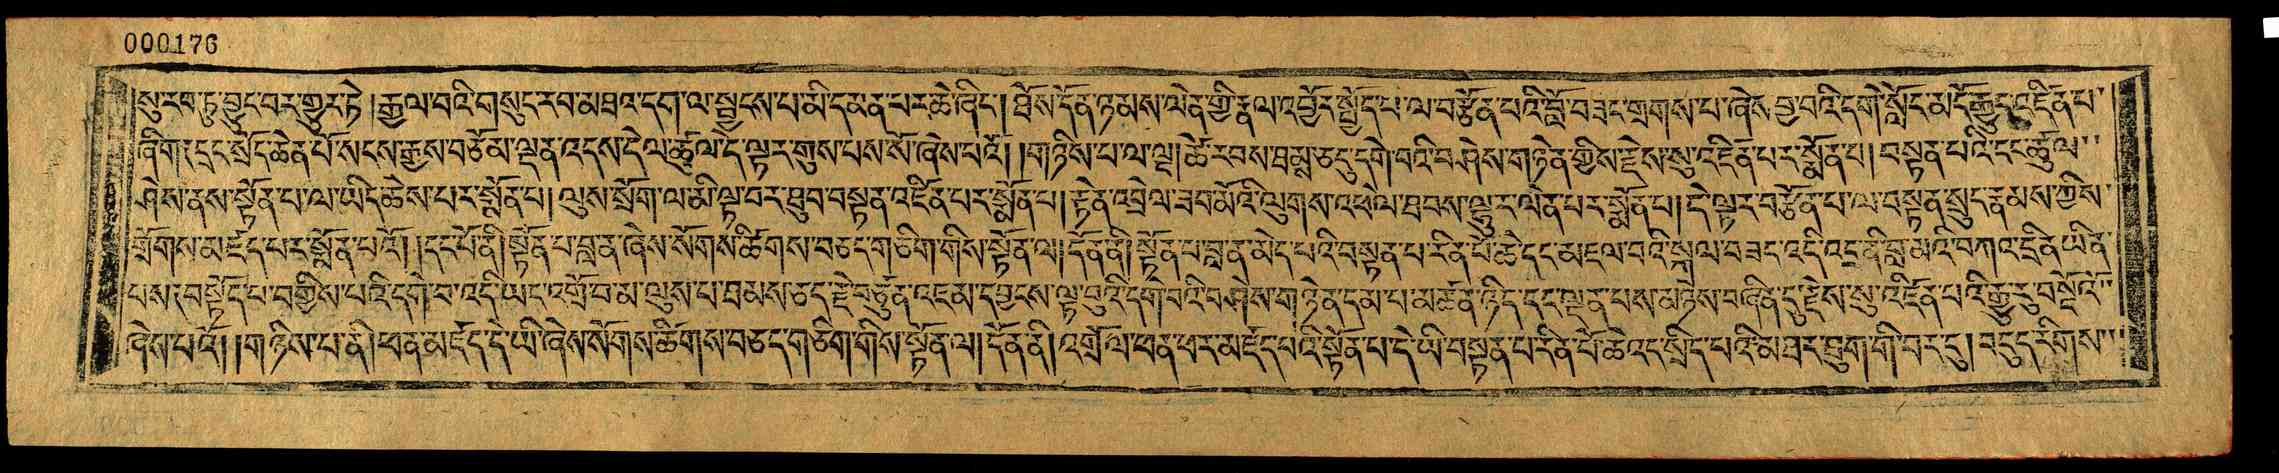སུ་རབ་ཏུ་བྱུང་བར་གྱུར་ཏེ། རྒྱལ་བའི་གསུང་རབ་མཐའ་དག་ལ་སྦྱངས་པ་མི་དམན་པར་ཆེ་ཞིང་། ཐོས་དོན་ཉམས་ལེན་གྱི་རྣལ་འབྱོར་སྤྱོད་པ་ལ་བརྩོན་པའི་བློ་བཟང་གྲགས་པ་ཞེས་བྱ་བའི་དགེ་སློང་མདོ་རྒྱུད་འཛིན་པ་
ཞིག །དྲང་སྲོང་ཆེན་པོ་སངས་རྒྱས་བཅོམ་ལྡན་འདས་དེ་ལ་ཚུལ་དེ་ལྟར་གུས་པས་སོ་ཞེས་པའོ། །གཉིས་པ་ལ་ལྔ། ཚེ་རབས་ཐམས་ཅད་དུ་དགེ་བའི་བཤེས་གཉེན་གྱིས་རྗེས་སུ་འཛིན་པར་སྨོན་པ། བསྟན་པའི་ངང་ཚུལ་
ཤེས་ནས་སྟོན་པ་ལ་ཡིད་ཆེས་པར་སྨོན་པ། ལུས་སྲོག་ལ་མི་ལྟ་བར་ཐུབ་བསྟན་འཛིན་པར་སྨོན་པ། རྟེན་འབྲེལ་ཟབ་མོའི་ལུགས་འཕེལ་ཐབས་ལྷུར་ལེན་པར་སྨོན་པ། དེ་ལྟར་བརྩོན་པ་ལ་བསྟན་སྲུང་རྣམས་ཀྱིས་
གྲོགས་མཛད་པར་སྨོན་པའོ། །དང་པོ་ནི། སྟོན་པ་བླ་ན་ཞེས་སོགས་ཚིགས་བཅད་གཅིག་གིས་སྟོན་ལ། དོན་ནི། སྟོན་པ་བླ་ན་མེད་པའི་བསྟན་པ་རིན་པོ་ཆེ་དང་མཇལ་བའི་སྐལ་བཟང་འདི་འདྲ་ནི་བླ་མའི་བཀའ་དྲིན་ཡིན་
པས། བསྟོད་པ་བགྱིས་པའི་དགེ་བ་འདི་ཡང་འགྲོ་བ་མ་ལུས་པ་ཐམས་ཅད་རྗེ་བཙུན་འཇམ་དབྱངས་ལྟ་བུའི་དགེ་བའི་བཤེས་གཉེན་དམ་པ་མཚན་ཉིད་དང་ལྡན་པས་མཉེས་བཞིན་དུ་རྗེས་སུ་འཛིན་པའི་རྒྱུ་རུ་བསྔོའོ་
ཞེས་པའོ། །གཉིས་པ་ནི། ཕན་མཛད་དེ་ཡི་ཞེས་སོགས་ཚིགས་བཅད་གཅིག་གིས་སྟོན་ལ། དོན་ནི། འགྲོ་ལ་ཕན་པར་མཛད་པའི་སྟོན་པ་དེ་ཡི་བསྟན་པ་རིན་པོ་ཆེའང་སྲིད་པའི་མཐར་ཐུག་གི་བར་དུ། བདུད་རིགས་